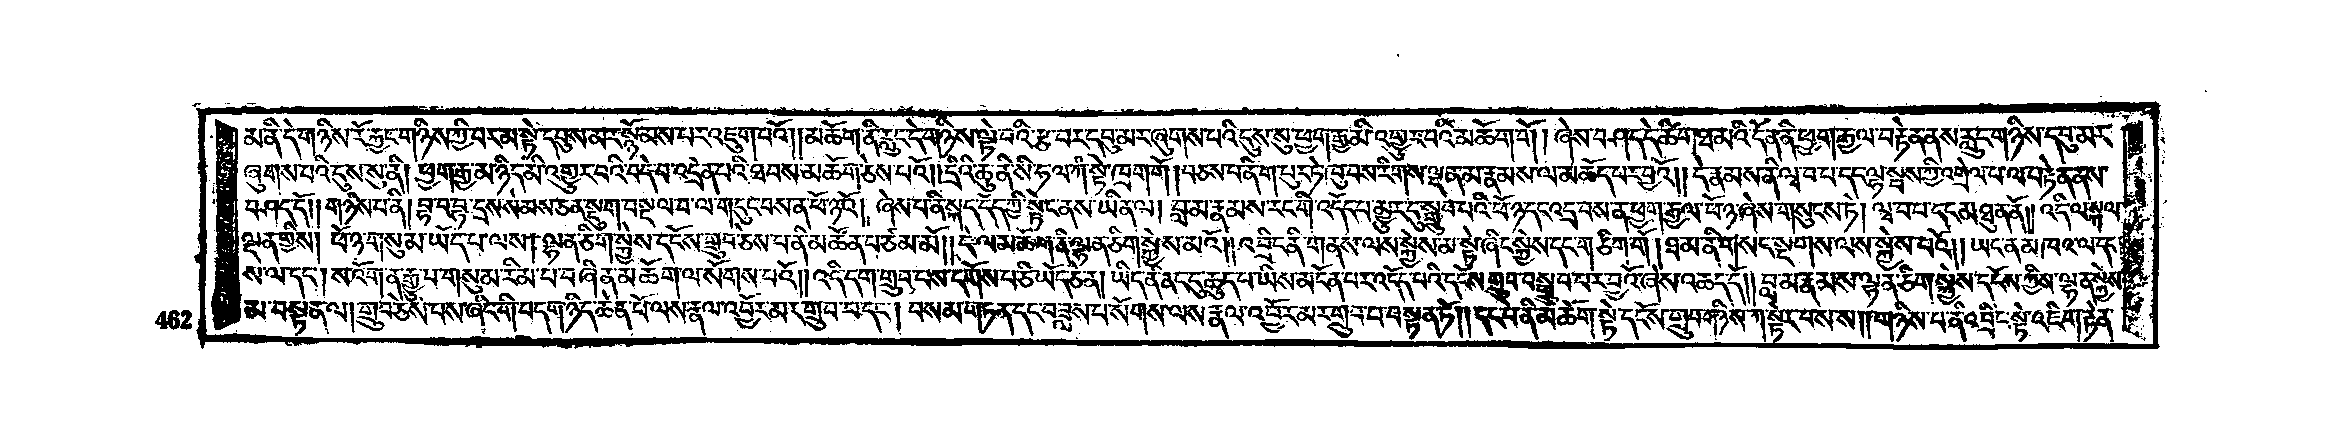མ་ནི་དེ་གཉིས་རོ་རྐྱང་གཉིས་ཀྱི་བར་མ་སྟེ་དབུས་མར་སྙེམས་པར་འཇུག་པའོ། །མཆོག་ནི་རླུང་དེ་གཉིས་ལྟེ་བའི་རྩ་བར་དབུ་མར་ཞུགས་པའི་དུས་སུ་ཕྱག་རྒྱ་མི་འགྱུར་བའི་མཆོག་གོ །ཞེས་བཤད་དེ་ཚིག་ཐ་མའི་དོན་ནི་ཕྱག་རྒྱ་ལ་བརྟེན་ནས་རླུང་གཉིས་དབུ་མར་
ཞུགས་པའི་དུས་སུ་ནི། ཕྱག་རྒྱ་མ་ཉིད་མི་འགྱུར་བའི་བདེ་བ་འདྲེན་པའི་ཐབས་མཆོག་ཅེས་པའོ། །དྲིའི་ཆུ་ནི་སི་ཧ་ལ་ཀཾ་སྟེ་ཁྲག་གོ །བཅས་པ་ནི་ག་པུར་ཏེ་ཁུ་བས་རིགས་ལྡན་མ་རྣམས་ལ་མཆོད་པར་བྱའོ། །དེ་རྣམས་ནི་ལྭ་བ་པ་དང་ལྷ་སྦས་ཀྱི་འགྲེལ་པ་ལ་བརྟེན་ནས་
བཤད་དོ། །གཉིས་པ་ནི། བྷ་བ་བྷ་དས་སེམས་ཅན་སྡུག་བསྔལ་བ་ལ་གདུང་བས་ན་ཕོ་ཉའོ། ཞེས་པ་ནི་སྐད་དོད་ཀྱི་སྟེང་ནས་ཡིན་ལ། བླ་མ་རྣམས་རང་གི་འདོད་པ་མྱུར་དུ་སྒྲུབ་པའི་ཕོ་ཉ་དང་འདྲ་བས་ན་ཕྱག་རྒྱ་ལ་ཕོ་ཉ་ཞེས་གསུངས་ཏེ། ལྭ་བ་པ་དང་མཐུན་ནོ། །འདི་ལ་སྐལ་
ལྡན་གྱིས། ཕོ་ཉ་གསུམ་ཡོད་པ་ལས། ལྷན་ཅིག་སྐྱེས་དངོས་གྲུབ་ཅེས་པ་ནི་མཚོན་པ་ཙམ་མོ། །དེ་ལ་མཆོག་ནི་ལྷན་ཅིག་སྐྱེས་མའོ། །འབྲིང་ནི་གནས་ལས་སྐྱེས་མ་སྟེ་ཞིང་སྐྱེས་དང་གཅིག་གོ །ཐ་མ་ནི་གསང་སྔགས་ལས་སྐྱེས་པའོ། །ཡང་ན་མཁའ་ལ་དང་།
ས་ལ་དང་། ས་འོག་ན་རྒྱུ་པ་གསུམ་རིམ་པ་བཞིན་མཆོག་ལ་སོགས་པའོ། །འདི་དག་གྲུབ་པས་དགོས་པ་ཅི་ཡོད་ཅེ་ན། ཡིད་ནི་ནང་དུ་ཆུད་པ་ཡིས་མངོན་པར་འདོད་པའི་དངོས་གྲུབ་བསྒྲུབ་པར་བྱའོ་ཞེས་འཆད་དོ། །བླ་མ་རྣམས་ལྷན་ཅིག་སྐྱེས་དངོས་ཀྱིས་ལྷན་སྐྱེས་
མ་བསྟན་ལ། གྲུབ་ཅེས་པས་ཞིང་གི་བདག་ཉིད་ཆེན་པོ་ལས་རྣལ་འབྱོར་མར་གྲུབ་པ་དང་། བསམ་གཏན་དང་བཟླས་པ་སོགས་ལས་རྣལ་འབྱོར་མར་གྲུབ་པ་བསྟན་ཏོ། །དང་པོ་ནི་མཆོག་སྟེ་དངོས་གྲུབ་གཉིས་ཀ་སྟེར་བས་ས། །གཉིས་པ་ནི་འབྲིང་སྟེ་འཇིག་རྟེན་